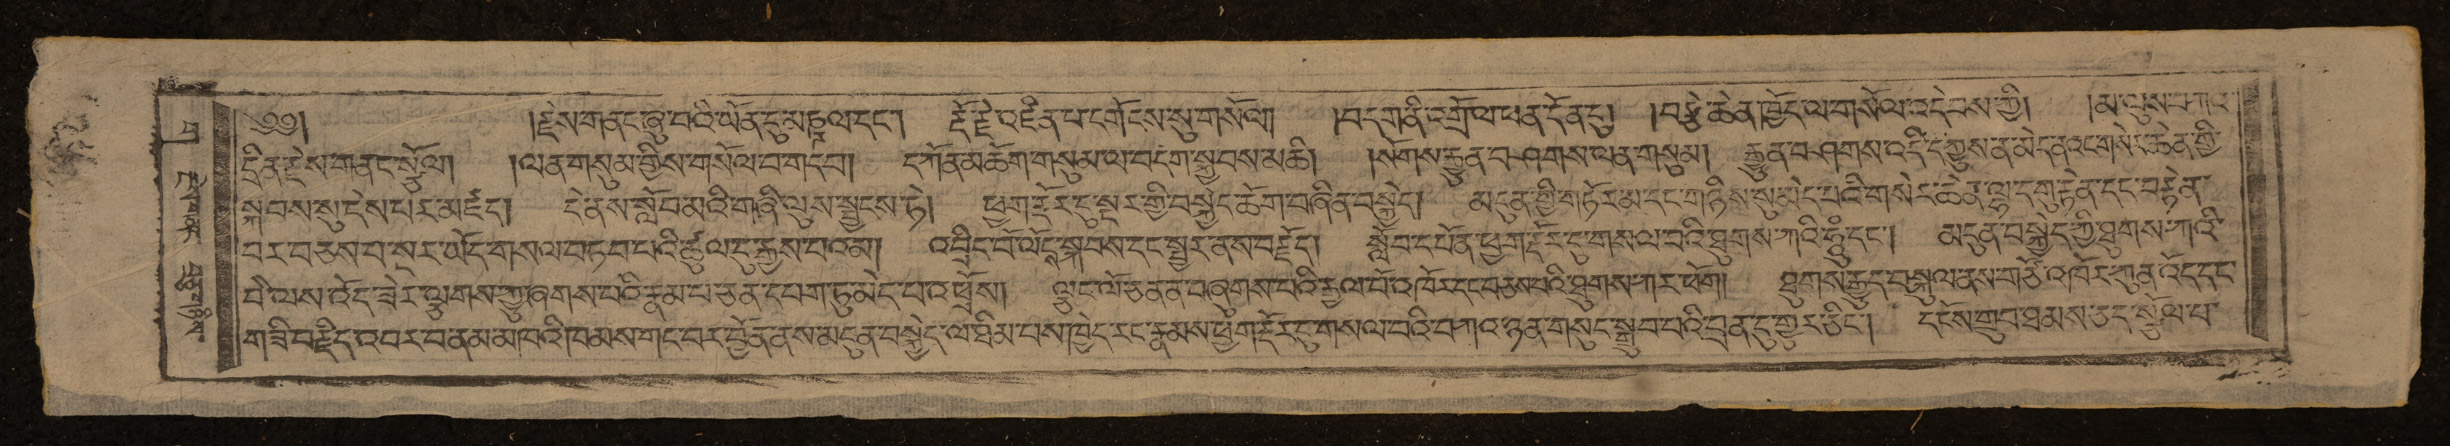༄༅། །རྗེས་གནང་ཞུ་པའི་ཡོན་དུ་མཎྜལ་དང་། རྡོ་རྗེ་འཛིན་པ་དགོངས་སུ་གསོལ། །བདག་ནི་འགྲོ་ལ་ཕན་དོན་དུ། །བརྩེ་ཆེན་ཁྱོད་ལ་གསོལ་འདེབས་ཀྱི། །མ་ལུས་བཀའ་
དྲིན་རྗེས་གནང་སྩོལ། །ལན་གསུམ་གྱིས་གསོལ་བ་གདབ། དཀོན་མཆོག་གསུམ་ལ་བདག་སྐྱབས་མཆི། །སོགས་རྒྱུན་བཤགས་ལན་གསུམ། རྒྱུན་བཤགས་འདི་དཀྱུས་ན་མེད་ནའང་གསེར་ཆེན་གྱི་
སྐབས་སུ་ངེས་པར་མཛད། དེ་ནས་སློབ་མའི་གཞི་ལུས་སྦྱངས་ཏེ། ཕྱག་རྡོར་དུ་སྔར་གྱི་བསྐྱེད་ཆོག་བཞིན་བསྐྱེད། མདུན་གྱི་གཏོར་མ་དང་གཉིས་སུ་མེད་པའི་གསེར་ཆེན་ལྷ་དགུ་རྟེན་དང་བརྟེན་
པར་བཅས་པ་སྡང་ཡོད་གསལ་བཏབ་པའི་ཚུལ་དུ་རྒྱས་བའམ། འབྲིང་བོ་ལོངས་སྐབས་དང་སྦྱར་ནས་བརྗོད། སློབ་དཔོན་ཕྱག་རྡོར་དུ་གསལ་བའི་ཐུགས་ཀའི་ཧཱུཾ་དང་། མདུན་བསྐྱེད་ཀྱི་ཐུགས་ཀའི་
བཻ་ལས་འོད་ཟེར་ལྕགས་ཀྱུ་ཞགས་པའི་རྣམ་པ་ཅན་དཔག་ཏུ་མེད་པ་འཕྲོས། ལྕང་ལོ་ཅན་ན་བཞུགས་པའི་རྒྱལ་པོ་འཁོར་དང་བཅས་པའི་ཐུགས་ཀར་ཕོག། ཐུགས་རྒྱུད་བསྐུལ་ནས་གཙོ་འཁོར་ཀུན་འོད་དང་
གཟི་བརྗིད་འབར་བ་ནམ་མཁའི་ཁམས་གང་བར་བྱོན་ནས་མདུན་བསྐྱེད་ལ་ཐིམ་པས་ཁྱེད་རང་རྣམས་ཕྱག་རྡོར་དུ་གསལ་བའི་བཀའ་ཉན་གསུང་སྒྲུབ་པའི་བྲན་དུ་གྱུར་ཅིང་། དངོས་གྲུབ་ཐམས་ཅད་སྩོལ་པ་